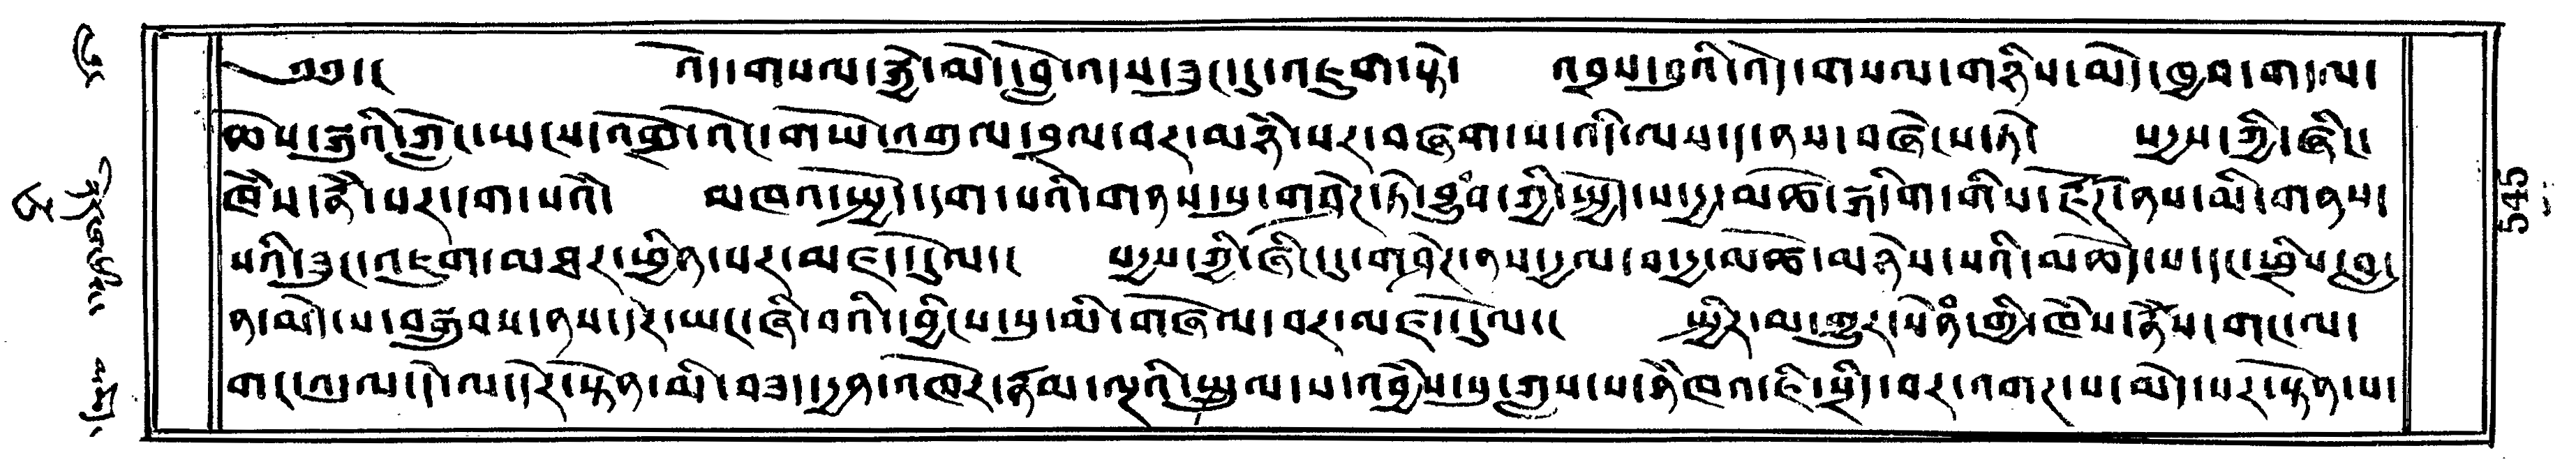འོད་གསལ་སྐྱེ་མེད་བློ་འདས་ཟུང་དུ་འཇུག་སྟེ། འབྲས་བུའི་འོད་གསལ་གཉིས་མེད་ཁྱབ་གདལ་
ཆོས་སྐུའི་ཀློང་ཡངས་འགྲོ་འོང་གཡོ་འགུལ་བྲལ་བར་མཉམ་པར་བཞག་པ་འདི་ལས་ད་ནས་བཞེངས་ཏེ། སངས་རྒྱས་ཀྱི་ཞིང་
ཁམས་རྣམ་པར་དག་པའི། མཁའ་སྤྱོད་དག་པའི་གནས་སུ་གཤེགས་ཏེ་བྱང་ཆུབ་ཀྱི་སྤྱོད་པ་རྒྱ་མཚོ་སྐད་ཅིག་གིས་རྫོགས་ནས་མི་གནས་
པའི་ཟུང་འཇུག་མཐར་ཕྱིན་པར་མཛད་དུ་གསོལ། སངས་རྒྱས་ཀྱི་ཞིང་དུ་གཤེགས་ནས་རྒྱལ་བ་རྒྱ་མཚོ་མཉེས་པའི་མཆོད་པ་དང་ཕྲིན་ལས་བླ་
ན་མེད་པ་བསྒྲུབ་ནས་དེར་ཡང་ཞི་བའི་དབྱིངས་སུ་མི་གཞོལ་བར་མཛད་དུ་གསོལ། སྤྱིར་མ་གྱུར་སེམས་ཅན་གྱི་ཁམས་རྣམས་གང་ལ་
གང་འདུལ་དེ་ལ་དེར་སྟོན་མི་ཟད་རྒྱན་འཁོར་རྣམ་ལྔའི་སྤྲུལ་པ་འབྱམས་སུ་ཀླས་པ་ནམ་མཁའ་ཇི་སྲིད་བར་འགགས་པ་མེད་པར་སྟོན་པ་